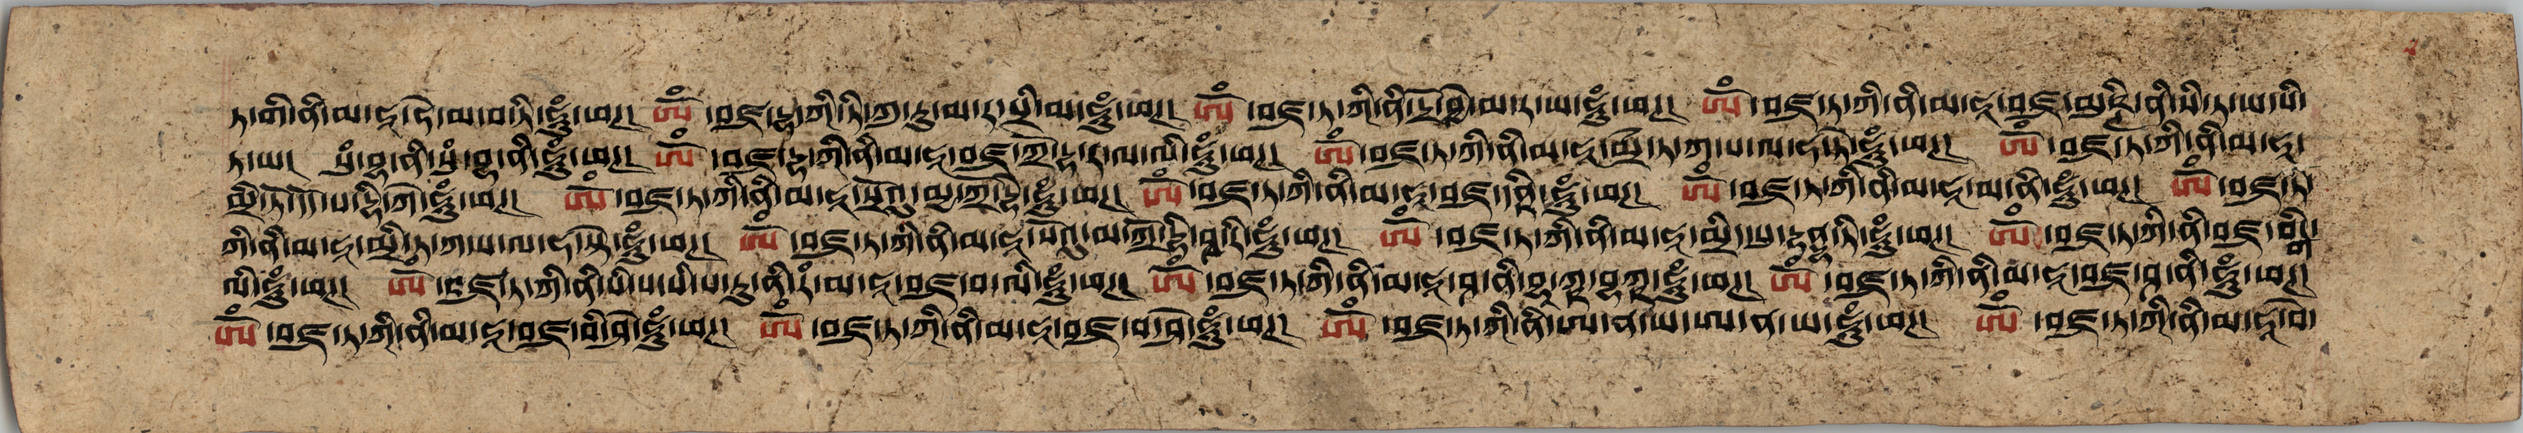ཏ་གི་ནི་མ་ཧཱ་ཧེ་མ་བ་ཏི་ཧཱུཾ་ཕཊ། ཨོཾ་བཛྲ་དྷ་ཀི་ཏི་ཀུ་རུ་མ་ར་པྲི་མ་ཧཱུཾ་ཕཊ། ཨོཾ་བཛྲ་ཏ་ཀི་དྲོ་བྱེ་མ་ར་ཡ་ཧཱུཾ་ཕཊ། ཨོཾ་བཛྲ་ཏ་ཀི་ནི་མ་ཧཱ་བཛྲ་མུཥྚི་ནི་སི་ཏ་ཡ་སི་
ཏ་ཡ། སུཾ་བྷ་ནི་སུཾ་བྷ་ནི་ཧཱུཾ་ཕཊ། ཨོཾ་བཛྲ་དྷ་ཀི་ནི་མ་ཧཱ་བཛྲ་ཀྲོ་དྷ་ར་ལ་ལི་ཧཱུཾ་ཕཊ། ཨོཾ་བཛྲ་ཏ་ཀི་ནི་མ་ཧཱ་མྲི་ཏ་ཀྭ་པ་ལ་ཧ་ཏེ་ཧཱུཾ་ཕཊ། ཨོཾ་བཛྲ་ཏོ་ཀི་ནི་མ་ཧཱ་
མྲི་ཏོ་དོད་པ་དྷི་ཀེ་ཧཱུཾ་ཕཊ། ཨོཾ་བཛྲ་ཏ་ཀི་ནྭི་མ་ཧཱ་སྲོའུ་མྱ་ཀྲོ་དྷི་ཧཱུཾ་ཕཊ། ཨོཾ་བཛྲ་ཏ་ཀི་ནི་མ་ཧཱ་བཛྲ་དནྟི་ཧཱུཾ་ཕཊ། ཨོཾ་བཛྲ་ཏ་ཀི་ནི་མ་ཧཱ་མ་ནི་ཧཱུཾ་ཕཊ། ཨོཾ་བཛྲ་ཏེ་
ཀི་ནི་མ་ཧཱ་མྲི་ཏ་ཀ་ས་ལ་ཧ་སྟེ་ཧཱུཾ་ཕཊ། ཨོཾ་བཛྲ་ཏ་ཀི་ནི་མ་ཧཱ་སོའུ་མ་ཀྲོ་དྷི་ཤྭ་རི་ཧཱུཾ་ཕཊ། ཨོཾ་བཛྲ་ཏ་ཀི་ནི་མ་ཧཱ་མྲིད་སུ་དྷནྡྷ་ཏི་ཧཱུཾ་ཕཊ། ཨོཾ་བཛྲ་ཏ་ཀི་ནི་བཛྲ་བིངྒ་
ལི་ཧཱུཾ་ཕཊ། ཨོཾ་བཛྲ་ཏ་ཀི་ནི་པི་པ་པི་པ་ཏུ་ནི་རཾ་མ་ཧཱ་བཛྲ་བ་ལི་ཧཱུཾ་ཕཊ། ཨོཾ་བཛྲ་ཏ་ཀི་ནི་མ་ཧཱ་ཤ་ནི་བྷ་ཀྵ་བྷཀྵ་ཧཱུཾ་ཕཊ། ཨོཾ་བཛྲ་ཏ་ཀི་ནི་མ་ཧཱ་བཛྲ་ཤ་ནི་ཧཱུཾ་ཕཊ།
ཨོཾ་བཛྲ་ཏ་ཀི་ནི་མ་ཧཱ་བཛྲ་བི་ཤེ་ཧཱུཾ་ཕཊ། ཨོཾ་བཛྲ་ཏ་ཀི་ནི་མ་ཧཱ་བཛྲ་བ་ཤེ་ཧཱུཾ་ཕཊ། ཨོཾ་བཛྲ་ཏ་ཀི་ནི་ཨ་ན་ཡ་ཨ་ན་ཡ་ཧཱུཾ་ཕཊ། ཨོཾ་བཛྲ་ཏ་ཀི་ནི་མ་ཧཱ་བེ་